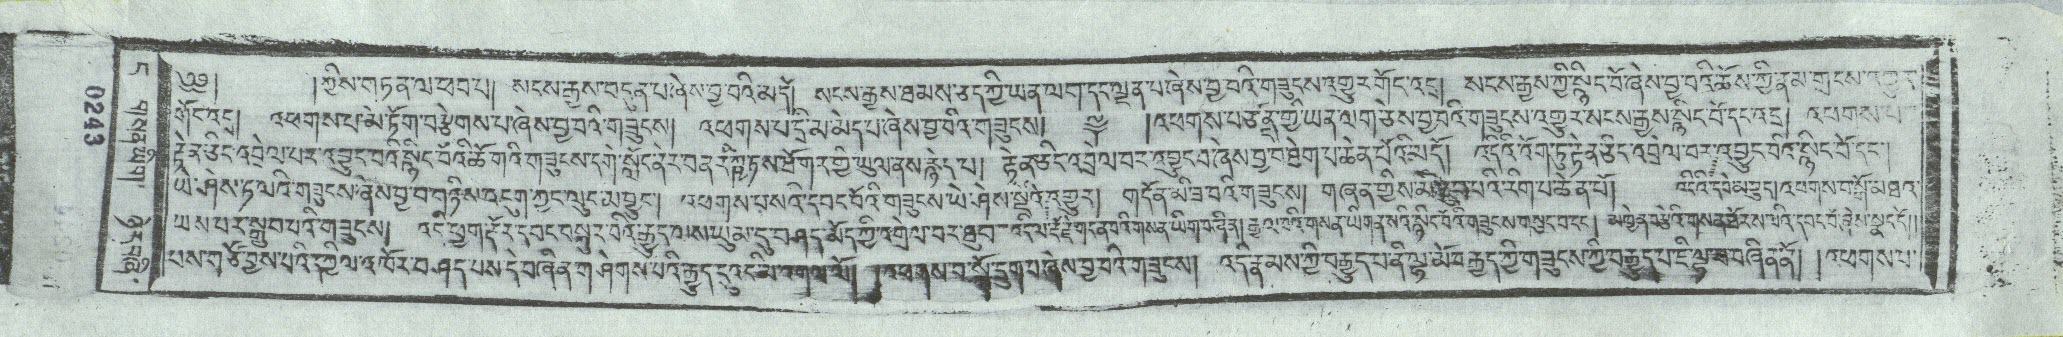༄༅། །ཀྱིས་བཏན་པ་བཀའ། སངས་རྒྱས་བདུན་པ་ཞེས་བྱ་བའི་མདོ། སངས་རྒྱས་?་?་?་ཀྱི་ཡན་ལད་དང་ལན་བཞེས་བྱ་བའི་གཟུངས་འགྱུར་གྱོད་?། སངས་རྒྱས་ཀྱི་སྟིང་བོ་ཉེ་བྱ་བའི་ཆོས་ཀྱི་རྣམ་གྲངས་འགྱུར་
གོང་འདྲ། འཕགས་པ་མེ་ཏོག་བརྩེགས་པ་ཞེས་བྱ་བའི་གཟུངས། འཕགས་པ་དྲ་མ་མེད་པ་ཞེས་བྱ་བའི་གཟུངས། ༈ །འཕགས་པ་ཙན་གྱི་ཡན་ལག་ཅས་བྱ་བའི་གཟུངས་སངས་རྒྱས་སྙམ་བོ་?་?་?། འཕགས་པ་
རྟེན་ཅིང་འབྲེལ་པར་འབྱུང་བའི་སྙིང་པོ་ཆོ་གའི་གཟུངས་དགེ་སློང་ནེར་བན་རིཀྵ་ཏས་ཐོ་གར་གྱི་ཡུལ་ནས་རྙེད་པ། རྟེན་ཅིང་འབྲེལ་བར་འབྱུང་བ་ཞེས་བྱ་བ་ཐེག་པ་ཆེན་པོའི་མདོ། འདིའི་འོག་ཏུ་རྟེན་ཅིང་འབྲེལ་བར་འབྱུང་བའི་སྙིང་པོ་དང་།
ཡེ་ཤེས་ཏ་ལའི་གཟུངས་ཞེས་བྱ་བ་གཉིས་འདུག་ཀྱང་ལུང་མ་བྱུང་། འཕགས་པ་སའི་དབང་པོའི་གཟུངས་ཡེ་ཤེས་སྡའི་འགྱུར། གདོན་མི་ཟ་བའི་གཟུངས། གཞན་གྱིས་མི་ཐུབ་པའི་རིག་པ་ཆེན་པོ། འདིའི་དབེ་མ་འགྱུར། འཕགས་པ་བསྒོ་མཐའ་
ཡས་པར་སྒྲུབ་པའི་གཟུངས། འདི་ཕྱག་རྡོར་དབང་བསྐུར་བའི་རྒྱུད་ལས་ཡུམ་དུ་བཤད་མོས་ཀྱི་འགྲེལ་བར་ཐུབ་འདི་ལ་རྡོ་རྗེ་གདན་པའི་གསན་ཡིག་བཞིན། རྒྱལ་བའི་གསན་ཡིག་ན་སའི་སྙིང་པོའི་གཟུངས་གསུང་བ་དང་། མཁྱེན་བརྩེའི་གསན་ཐོས་ས་བའི་དབང་བོ་ཞེས་སྣང་དོ།།
པས་གཙོ་བྱས་པའི་དཀྱིལ་འཁོར་བཤད་པས་དེ་བཞིན་གཤེགས་པའི་རྒྱུད་དུའང་མི་འགལ་ལོ། །འཕགས་བ་སྒོ་དྲུག་པ་ཞེས་བྱ་བའི་གཟུངས། འདི་རྣམས་ཀྱི་བརྒྱུད་པ་ནི་ལྷ་མོ་བརྒྱད་ཀྱི་གཟུངས་ཀྱི་བརྒྱུད་པ་ཇི་ལྟ་བ་བཞིན་ནོ། །འཕགས་པ་